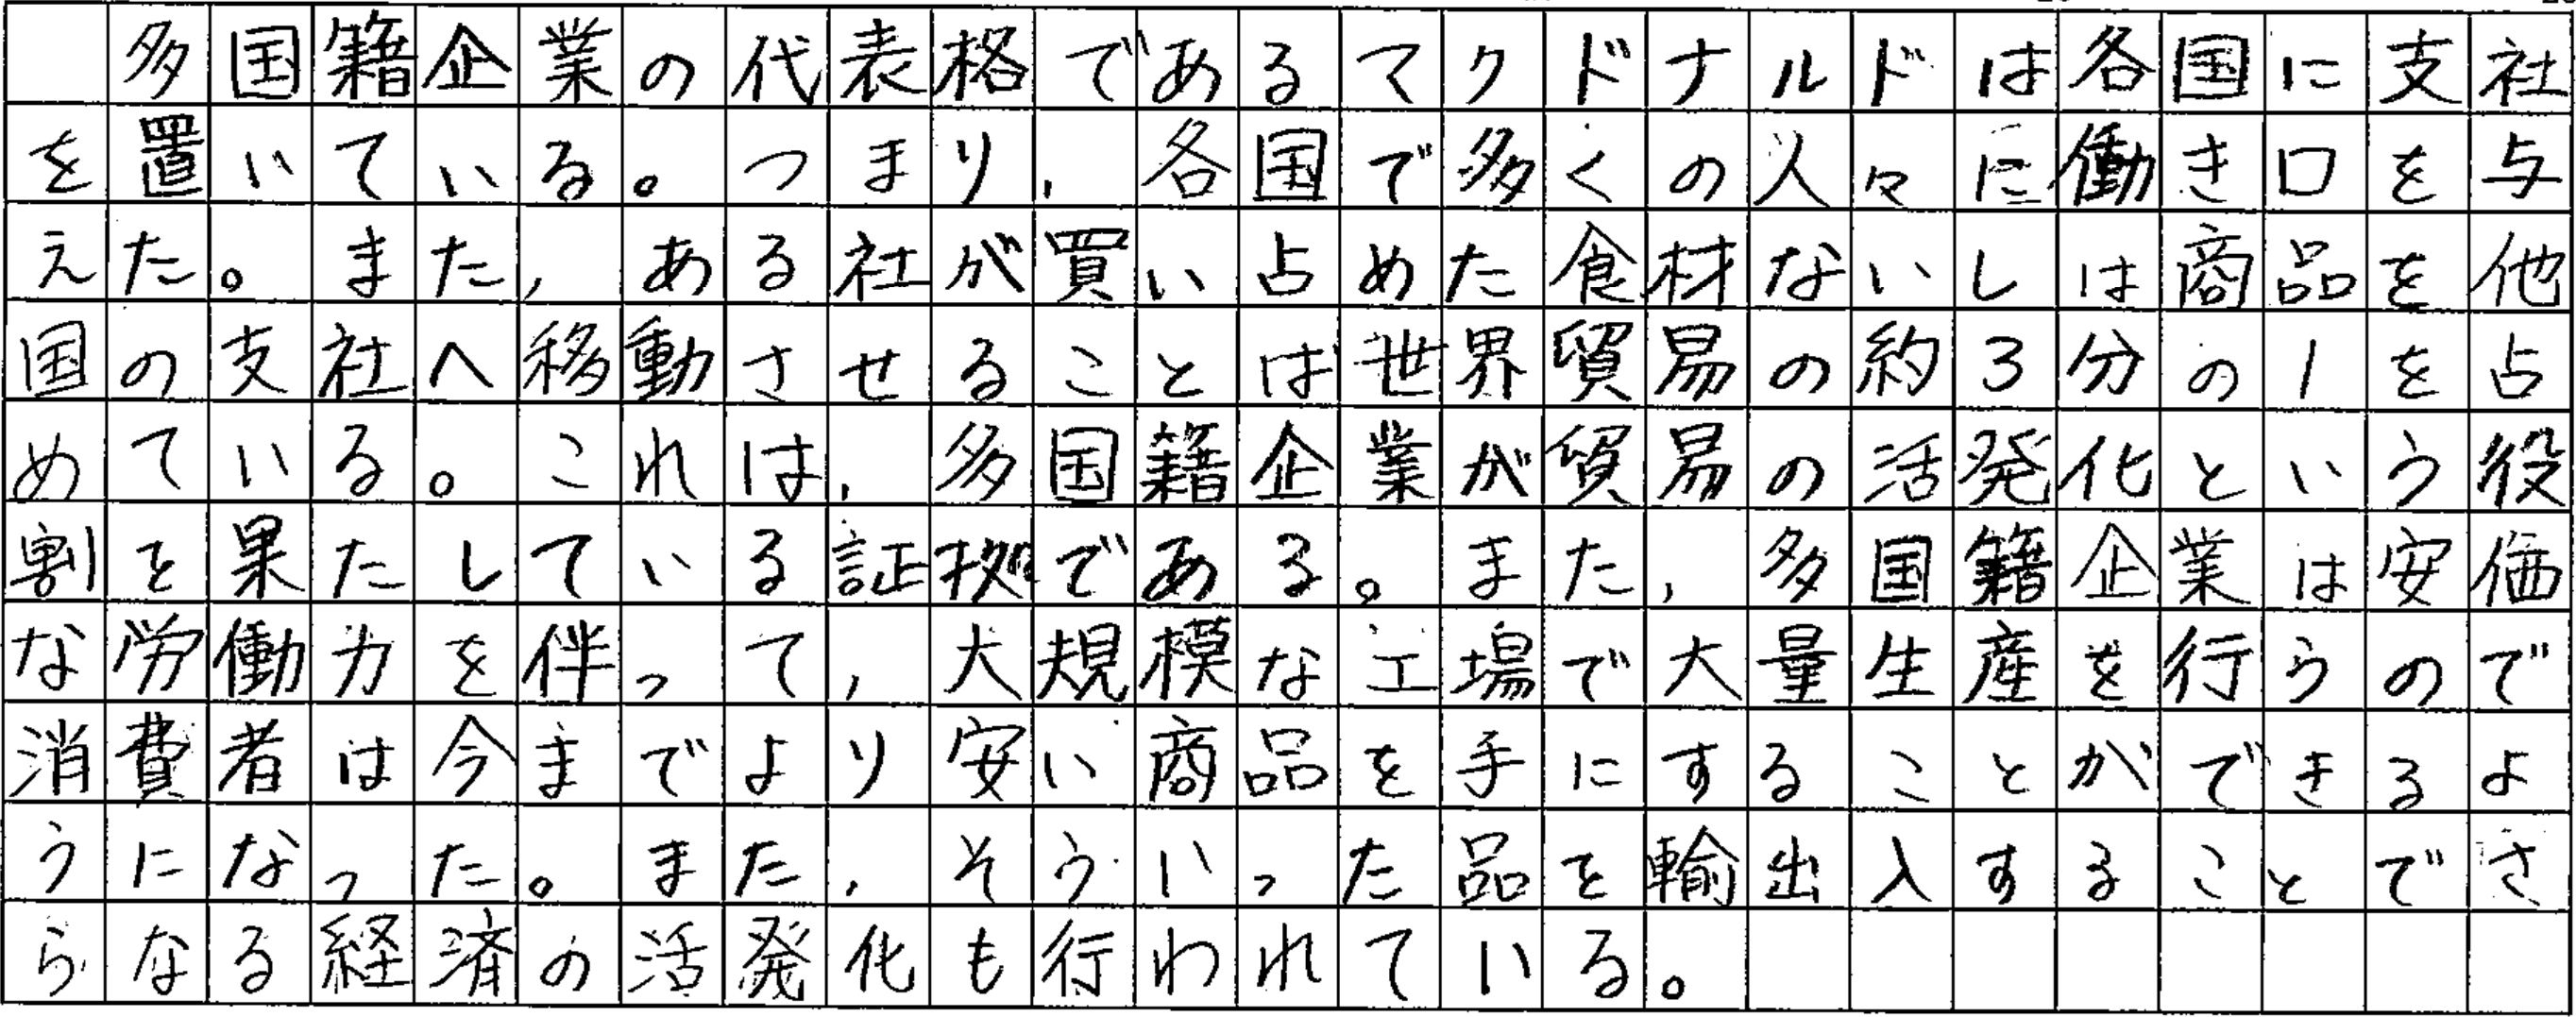　多国籍企業の代表格であるマクドナルドは各国に支社を置いている。つまり、各国で多くの人に働き口を与えた。また、ある社が買い占めた食材ないしは商品を他国の支社へ移動させることは世界貿易の約３分の１を占めている。これは、多国籍企業が貿易の活発化という役割を果たしている証拠である。また、多国籍企業は安価な労働力を伴って、大規模な工場で大量生産を行うので消費者は今までより安い商品を手にすることができるようになった。また、そういった品を輸出入することでさらなる経済の活発化も行われている。
